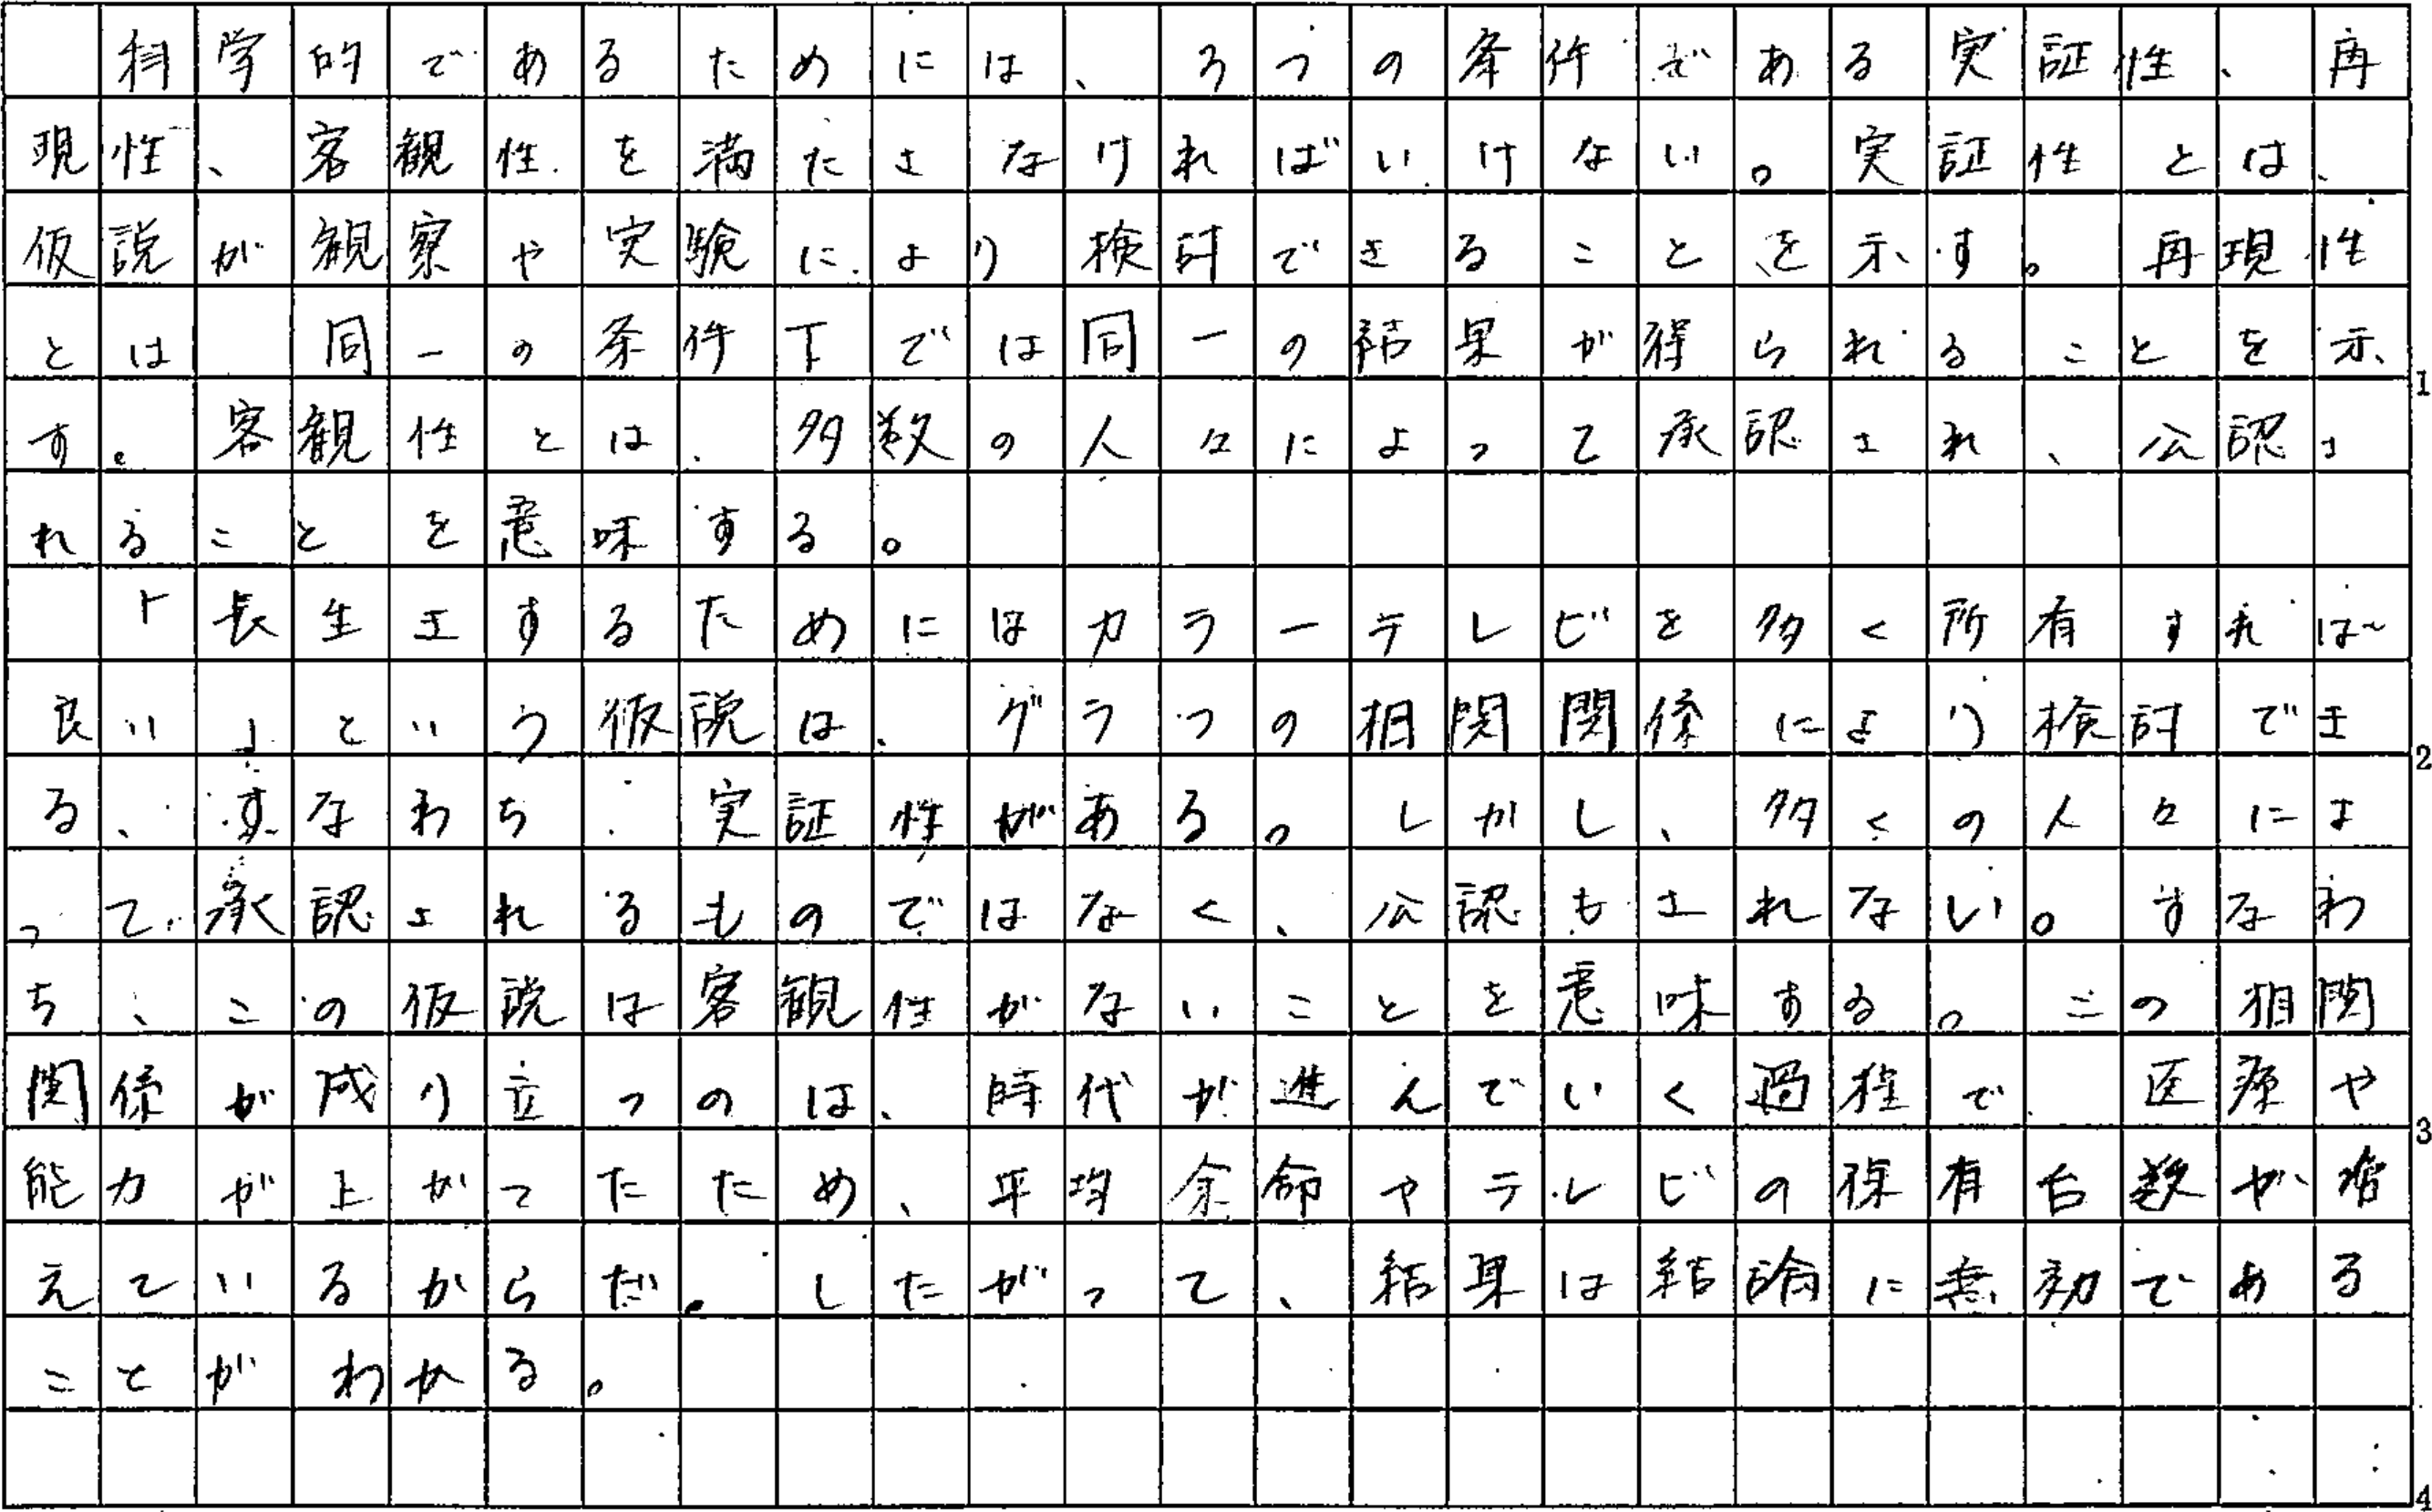　科学的であるためには、３つの条件である実証性、再現性、客観性を満たさなければいけない。実証性とは、仮説が観察や実験により検討できることを示す。再現性とは　同一の条件下では同一の結果が得られることを示す。客観性とは、多数の人々によって承認され、公認されることを意味する。
　「長生きするためにはカラーテレビを多く所有すれば良い」という仮説は、グラフの相関関係により検討できる、すなわち　実証性がある。しかし、多くの人々によって承認されるものではなく、公認もされない。すなわち、この仮説は客観性がないことを意味する。この相関関係が成り立つのは、時代が進んでいく過程で　医療や能力が上がったため、平均余命やテレビの保有台数が増えているからだ。したがって、結果は結論に無効であることがわかる。
